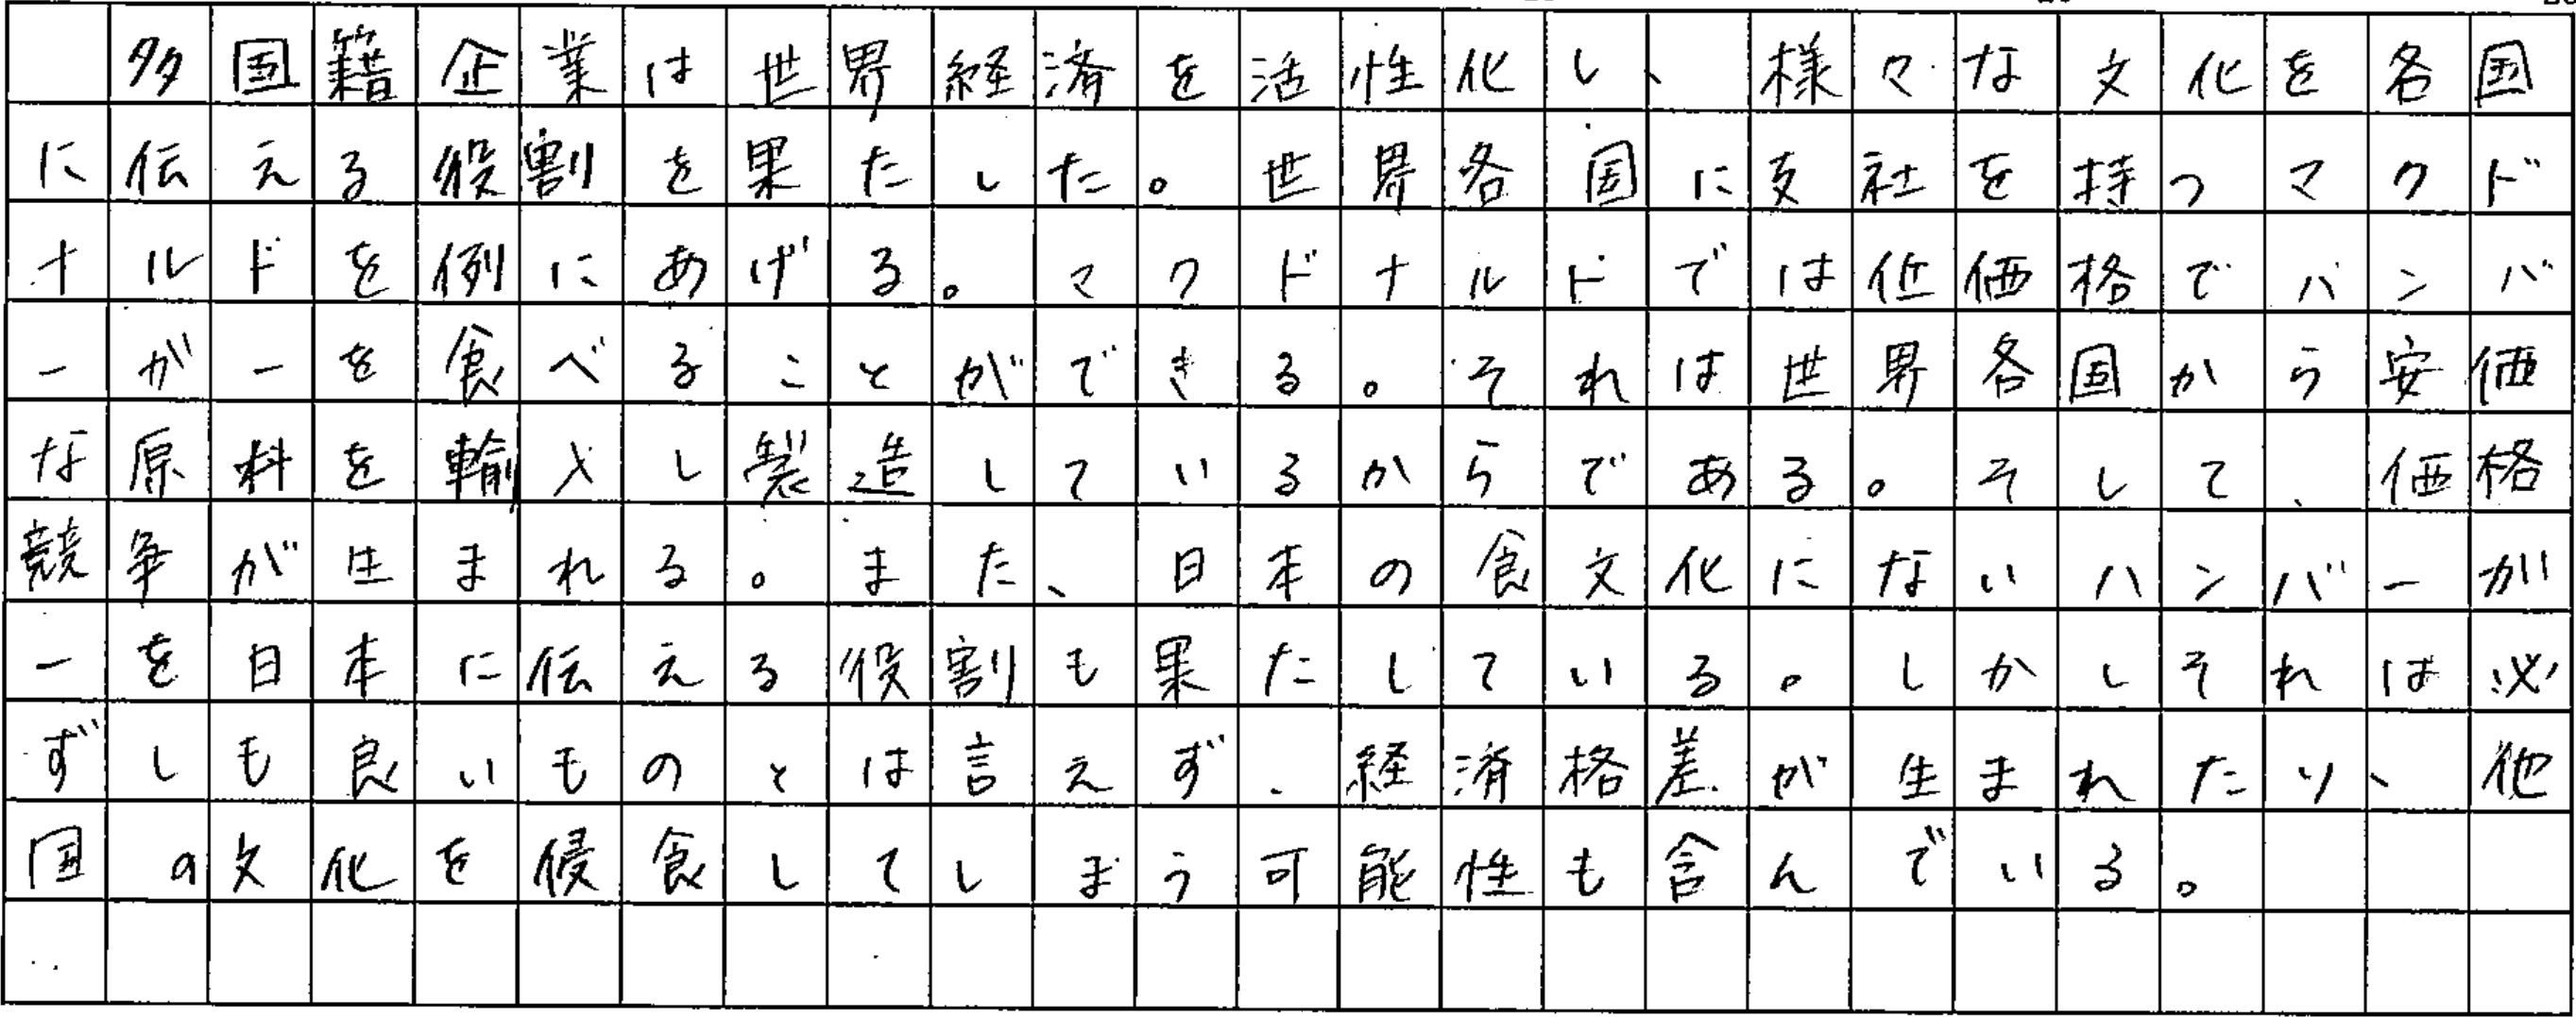　多国籍企業は世界経済を活性化し、様々な文化を各国に伝える役割を果たした。世界各国に支社を持つマクドナルドを例にあげる。マクドナルドでは低価格でハンバーガーを食べることができる。それは世界各国から安価な原料を輸入し製造しているからである。そして、価格競争が生まれる。また、日本の食文化にないハンバーガーを日本に伝える役割も果たしている。しかしそれは必ずしも良いものとは言えず、経済格差が生まれたり、他国の文化を侵食してしまう可能性も含んでいる。
